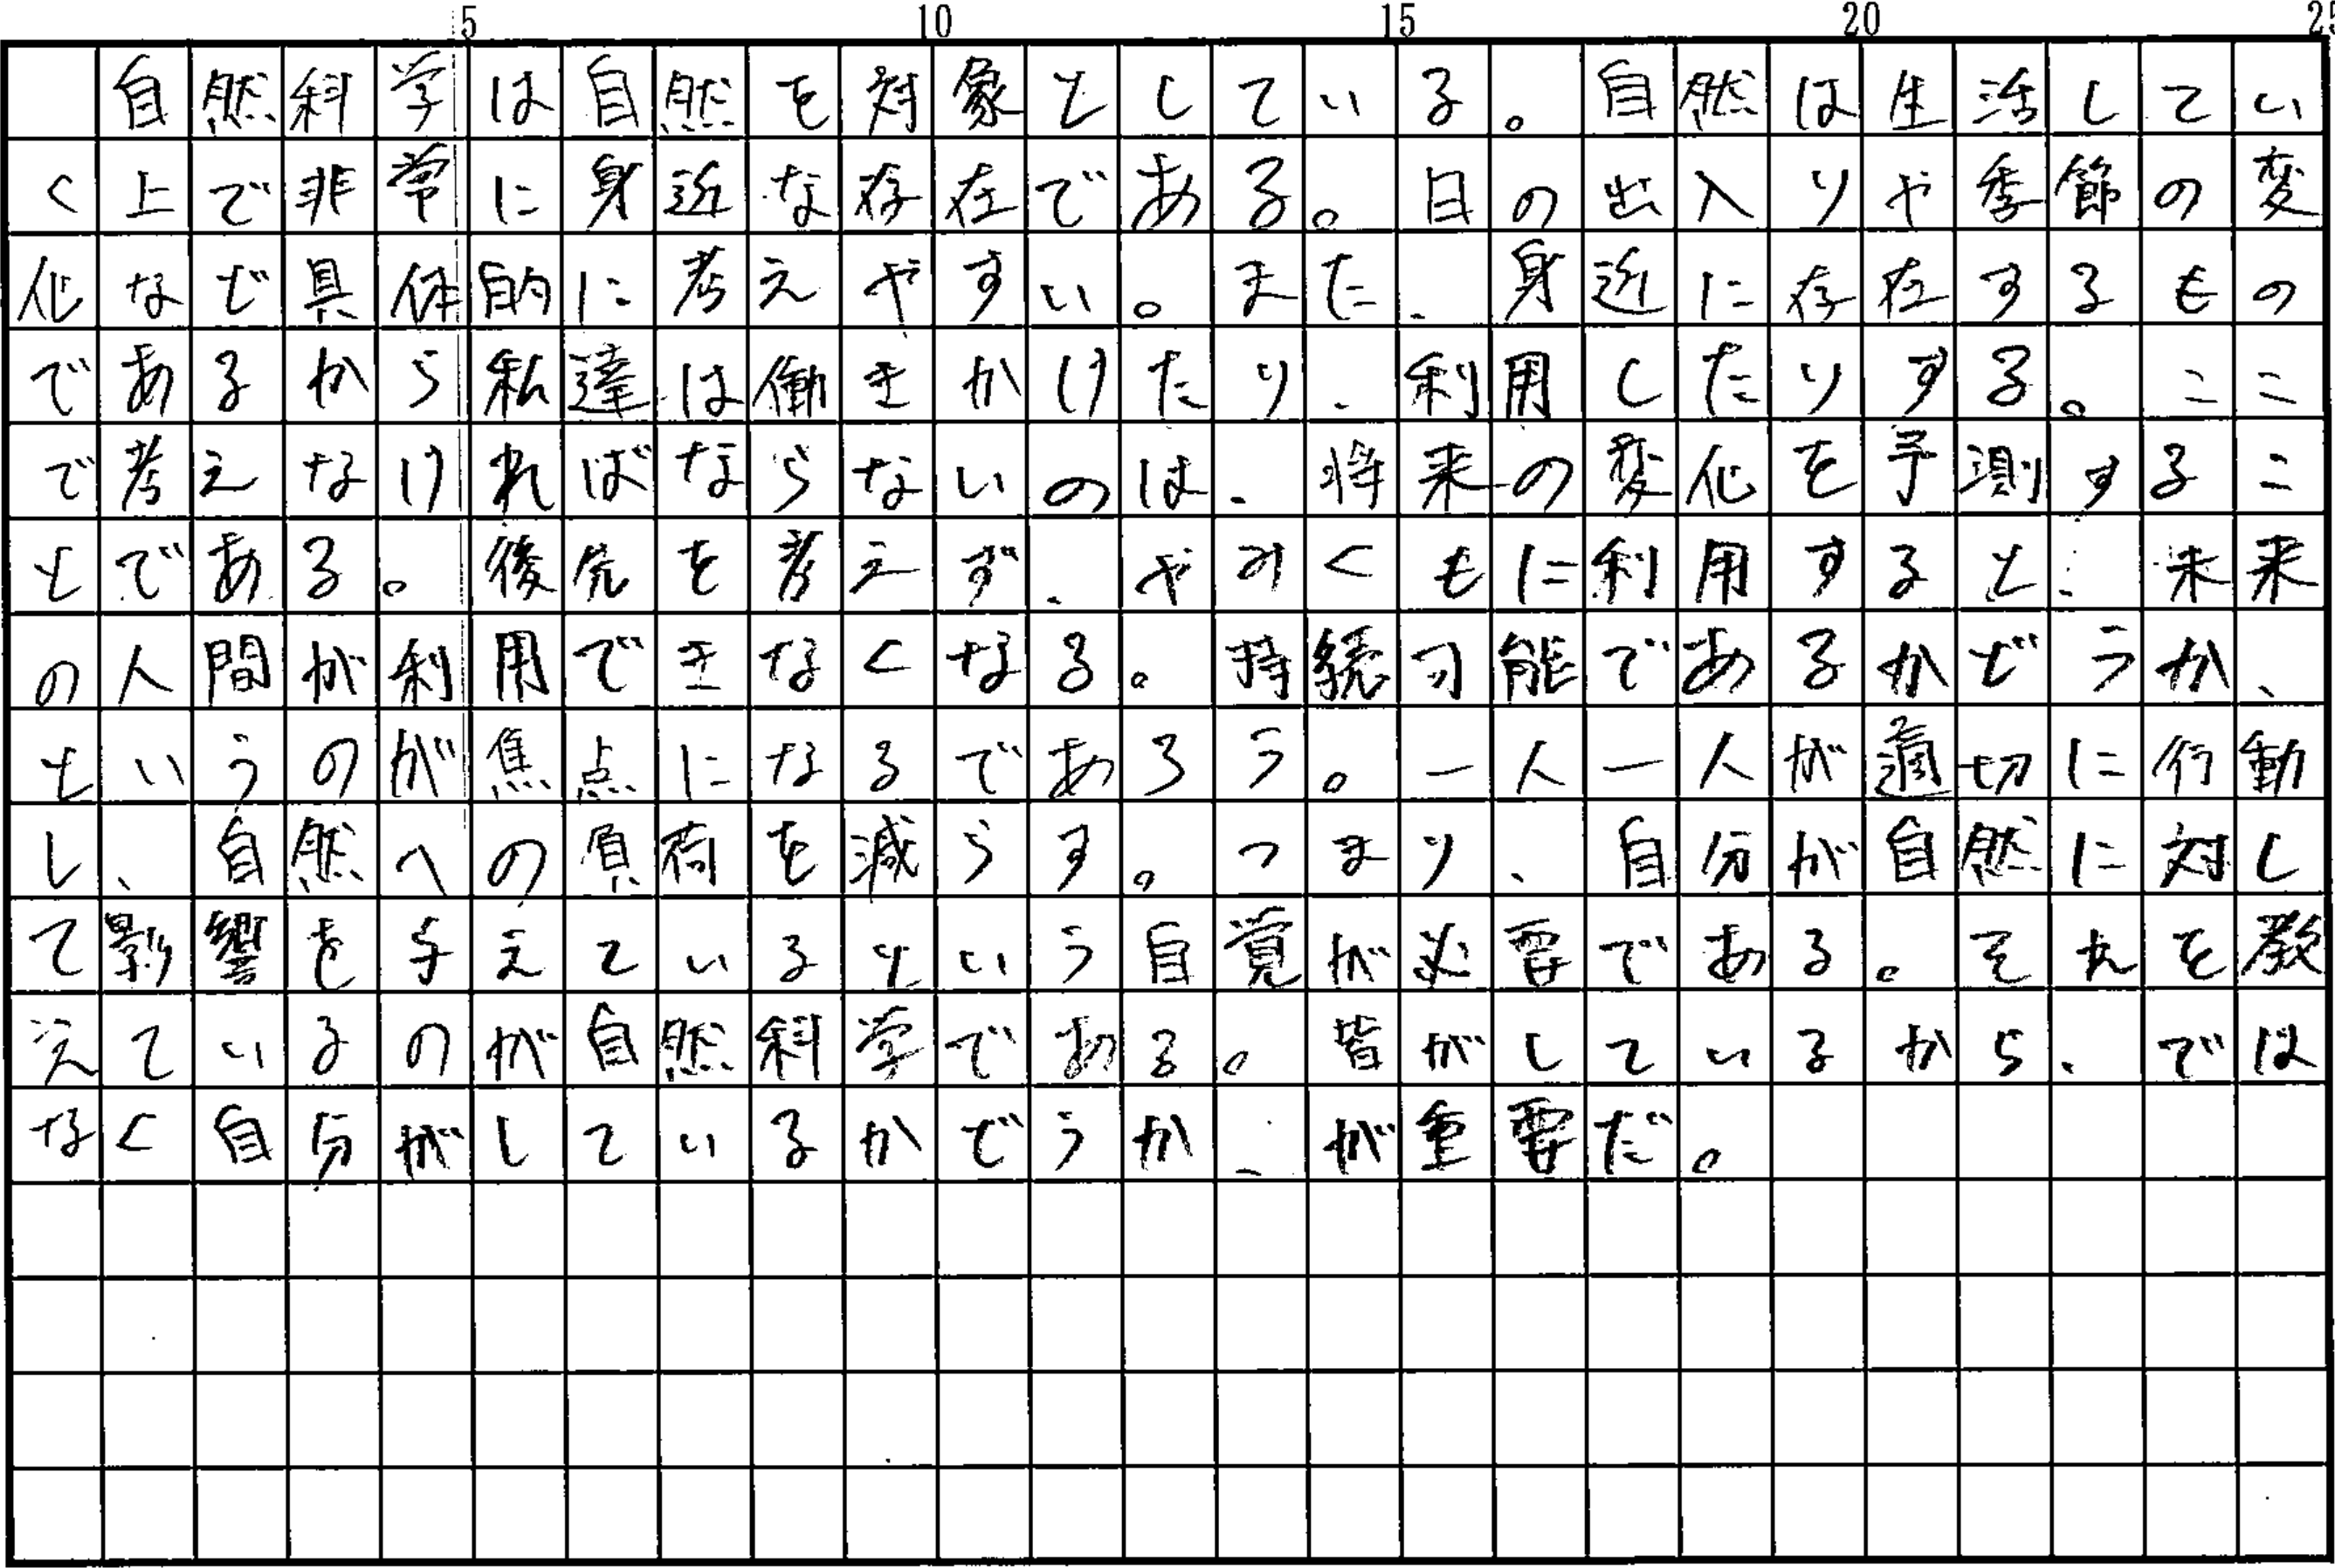　自然科学は自然を対象としている。自然は生活していく上で非常に身近な存在である。日の出入りや季節の変化など具体的に考えやすい。また、身近に存在するものであるから私達は働きかけたり、利用したりする。ここで考えなければならないのは、将来の変化を予測することである。後先を考えず、やみくもに利用すると、未来の人間が利用できなくなる。持続可能であるかどうか、というのが焦点になるであろう。一人一人が適切に行動し、自然への負荷を減らす。つまり、自分が自然に対して影響を与えているという自覚が必要である。それを教えているのが自然科学である。皆がしているから、ではなく自分がしているかどうか、が重要だ。
